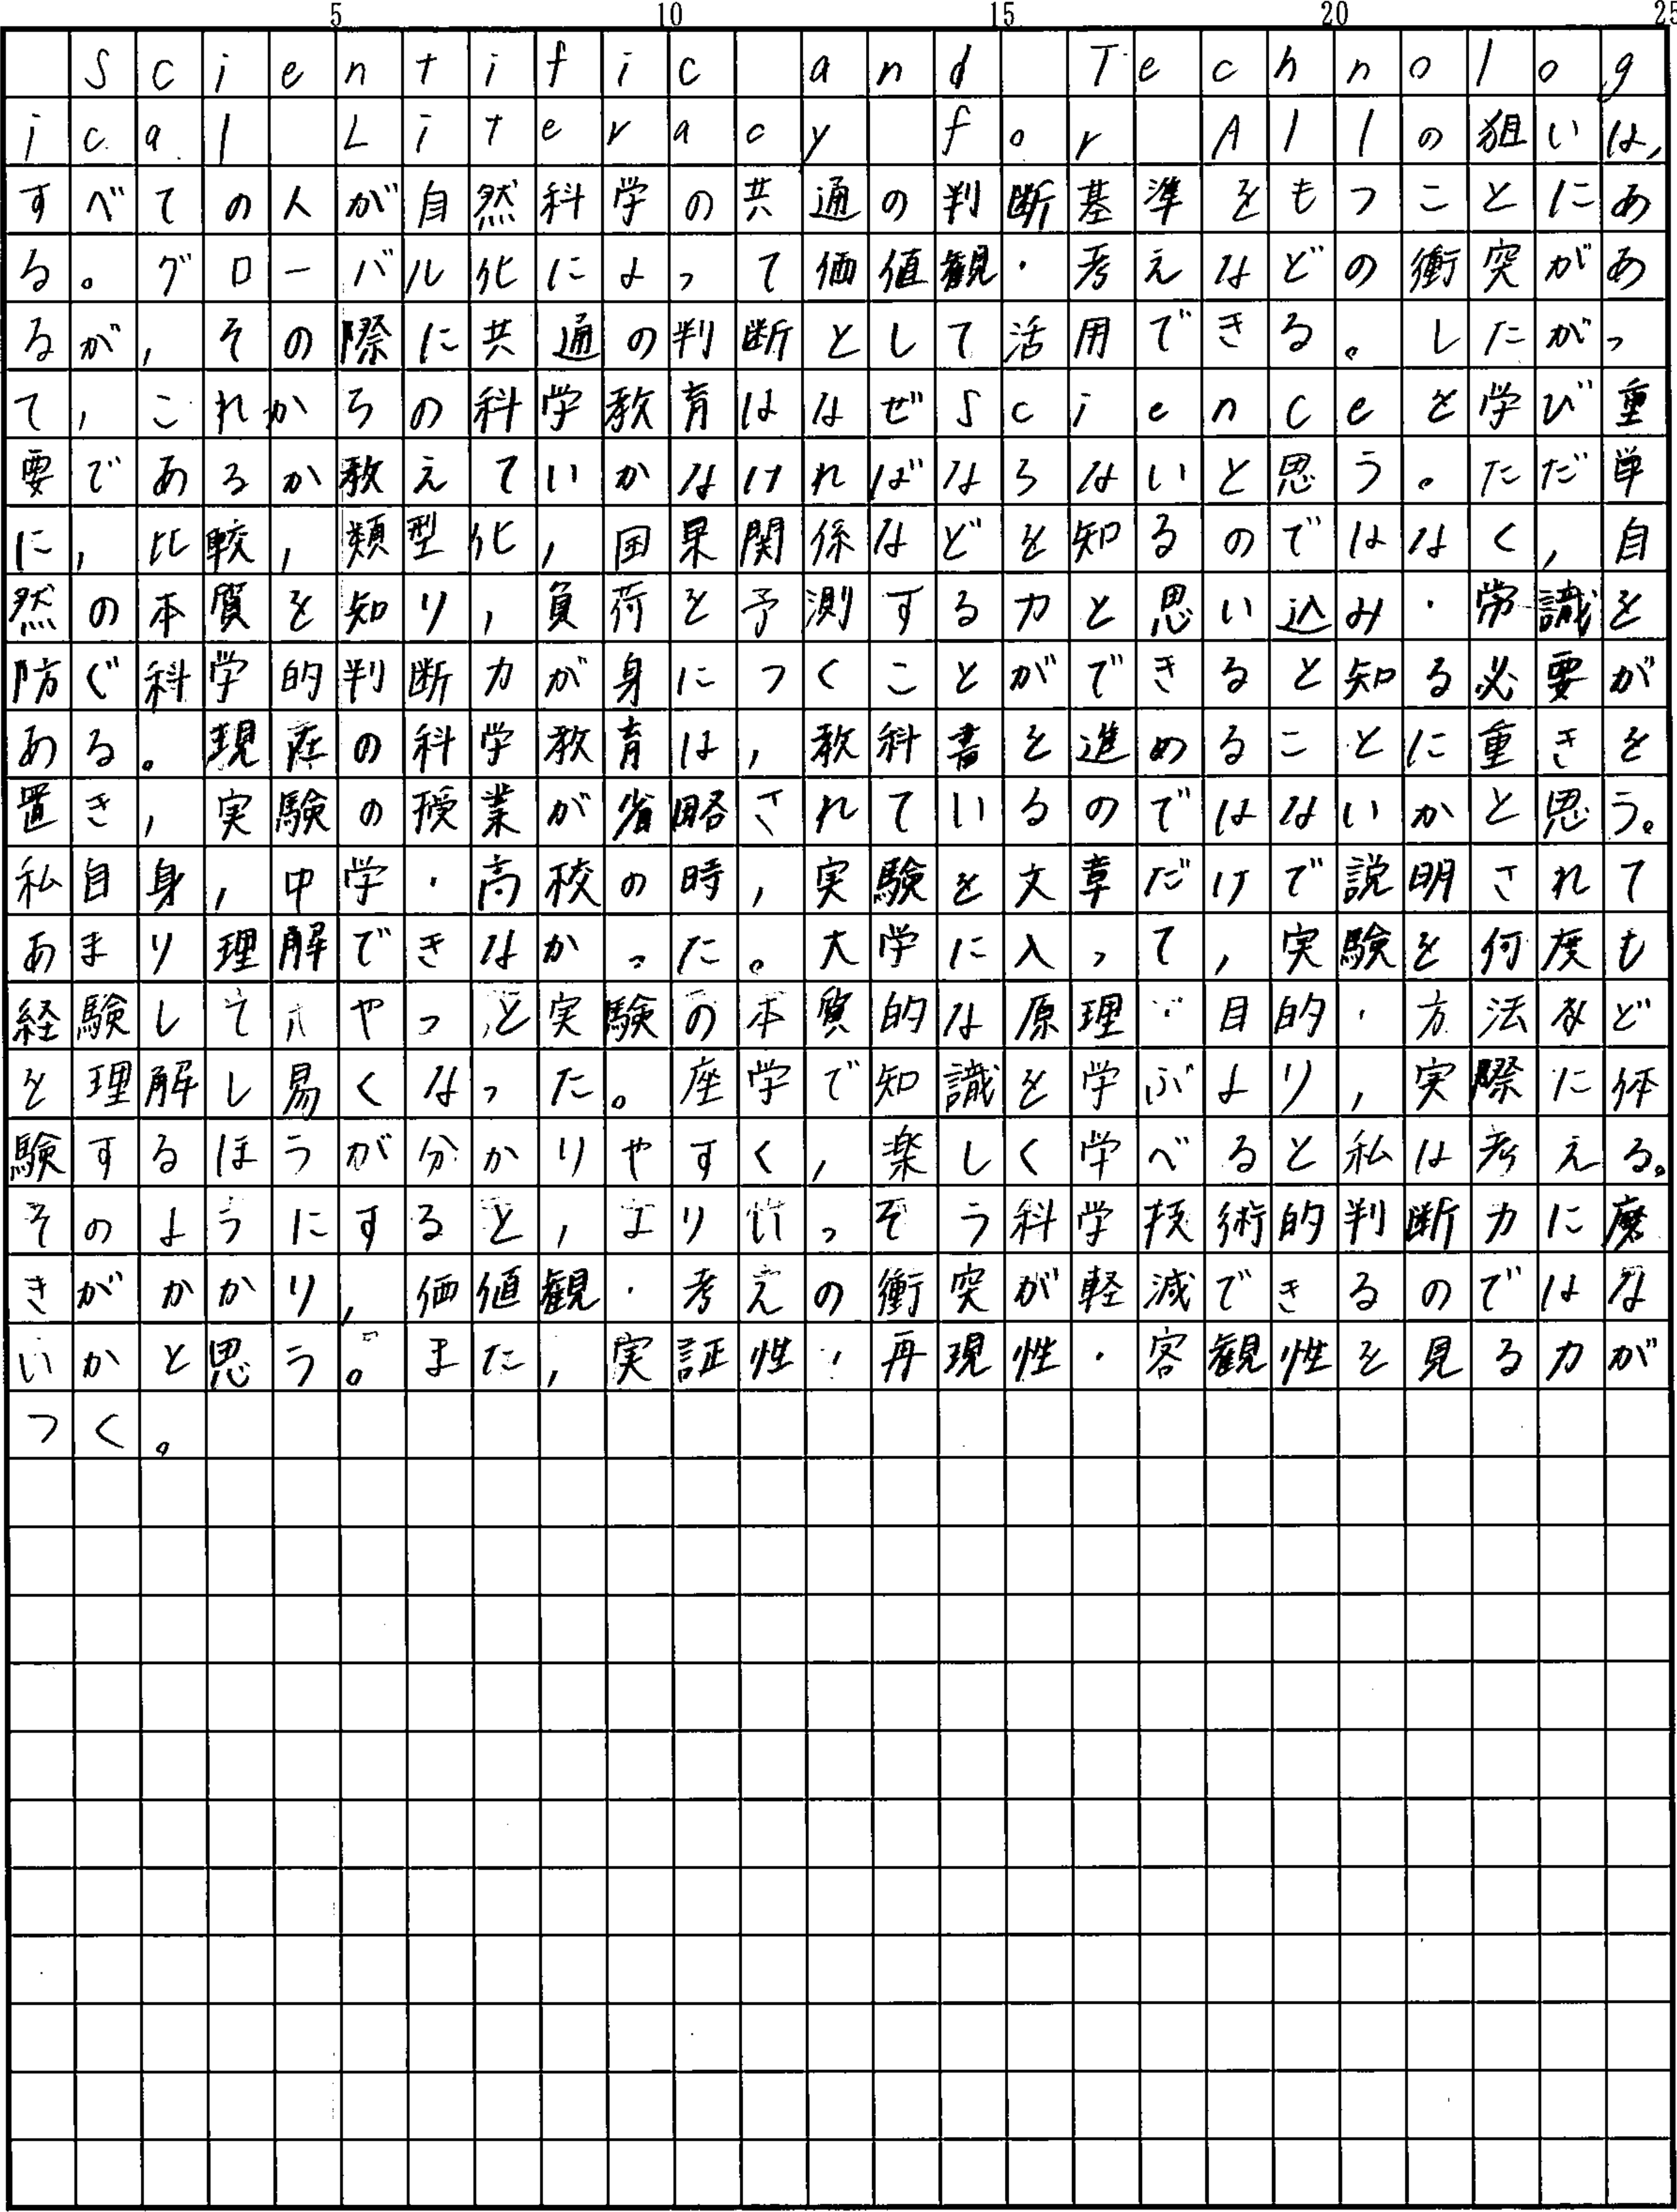　Ｓｃｉｅｎｔｉｆｉｃ　ａｎｄ　Ｔｅｃｈｎｏｌｏｇｉｃａｌ　Ｌｉｔｅｒａｃｙ　ｆｏｒ　Ａｌｌの狙いは、すべての人が自然科学の共通の判断基準をもつことにある。グローバル化によって価値観・考えなどの衝突があるが、その際に共通の判断として活用できる。したがって、これからの科学教育はなぜＳｃｉｅｎｃｅを学び重要であるか教えていかなければならないと思う。ただ単に、比較、類型化、因果関係などを知るのではなく、自然の本質を知り、負荷を予測する力と思い込み・常識を防ぐ科学的判断力が身につくことができると知る必要がある。現在の科学教育は、教科書を進めることに重きを置き、実験の授業が省略されているのではないかと思う。私自身、中学・高校の時、実験を文章だけで説明されてあまり理解できなかった。大学に入って、実験を何度も経験して、やっと実験の本質的な原理・目的・方法などを理解し易くなった。座学で知識を学ぶより、実際に体験するほうが分かりやすく、楽しく学べると私は考える。そのようにすると、よりいっそう科学技術的判断力に磨きがかかり、価値観・考えの衝突が軽減できるのではないかと思う。また、実証性・再現性・客観性を見る力がつく。
